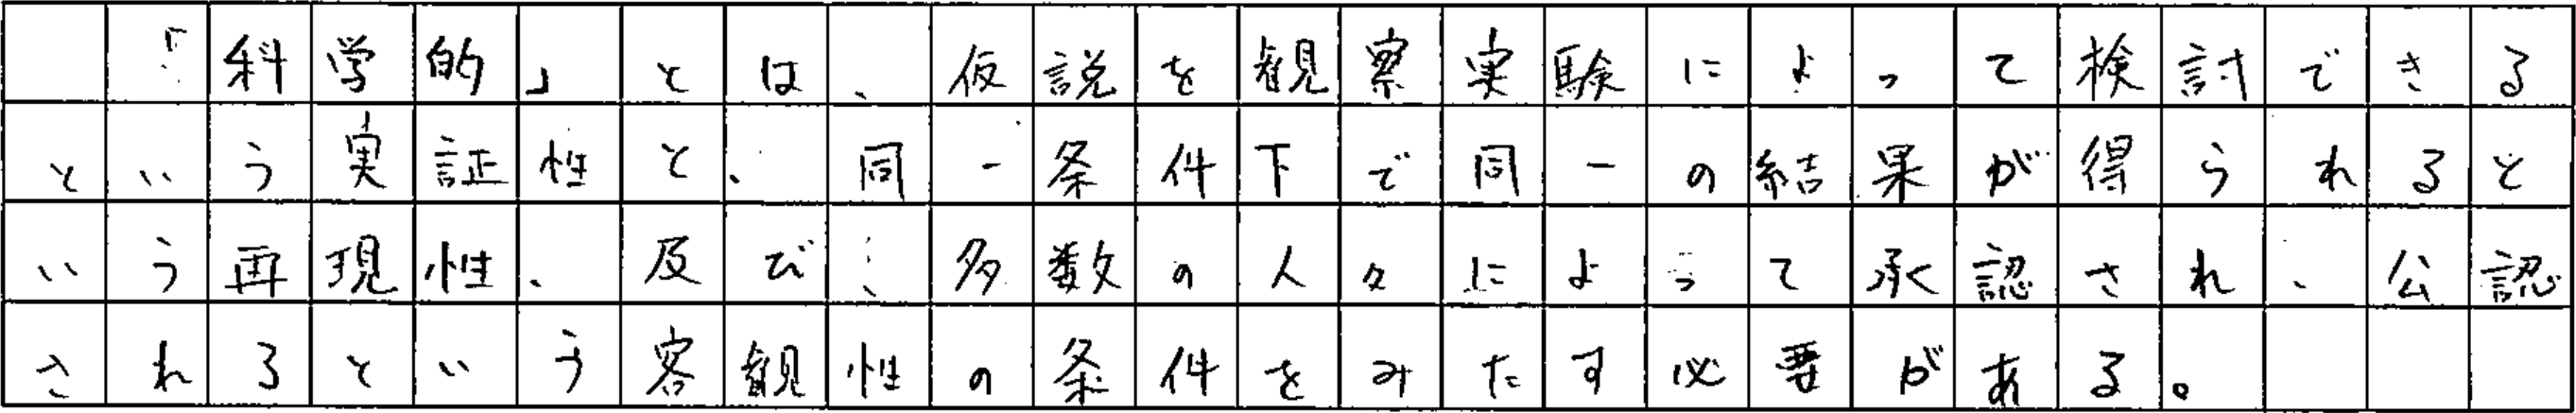　「科学的」とは、仮説を観察実験によって検討できるという実証性と、同一条件下で同一の結果が得られるという再現性、及び、多数の人々によって承認され、公認されるという客観性の条件をみたす必要がある。
